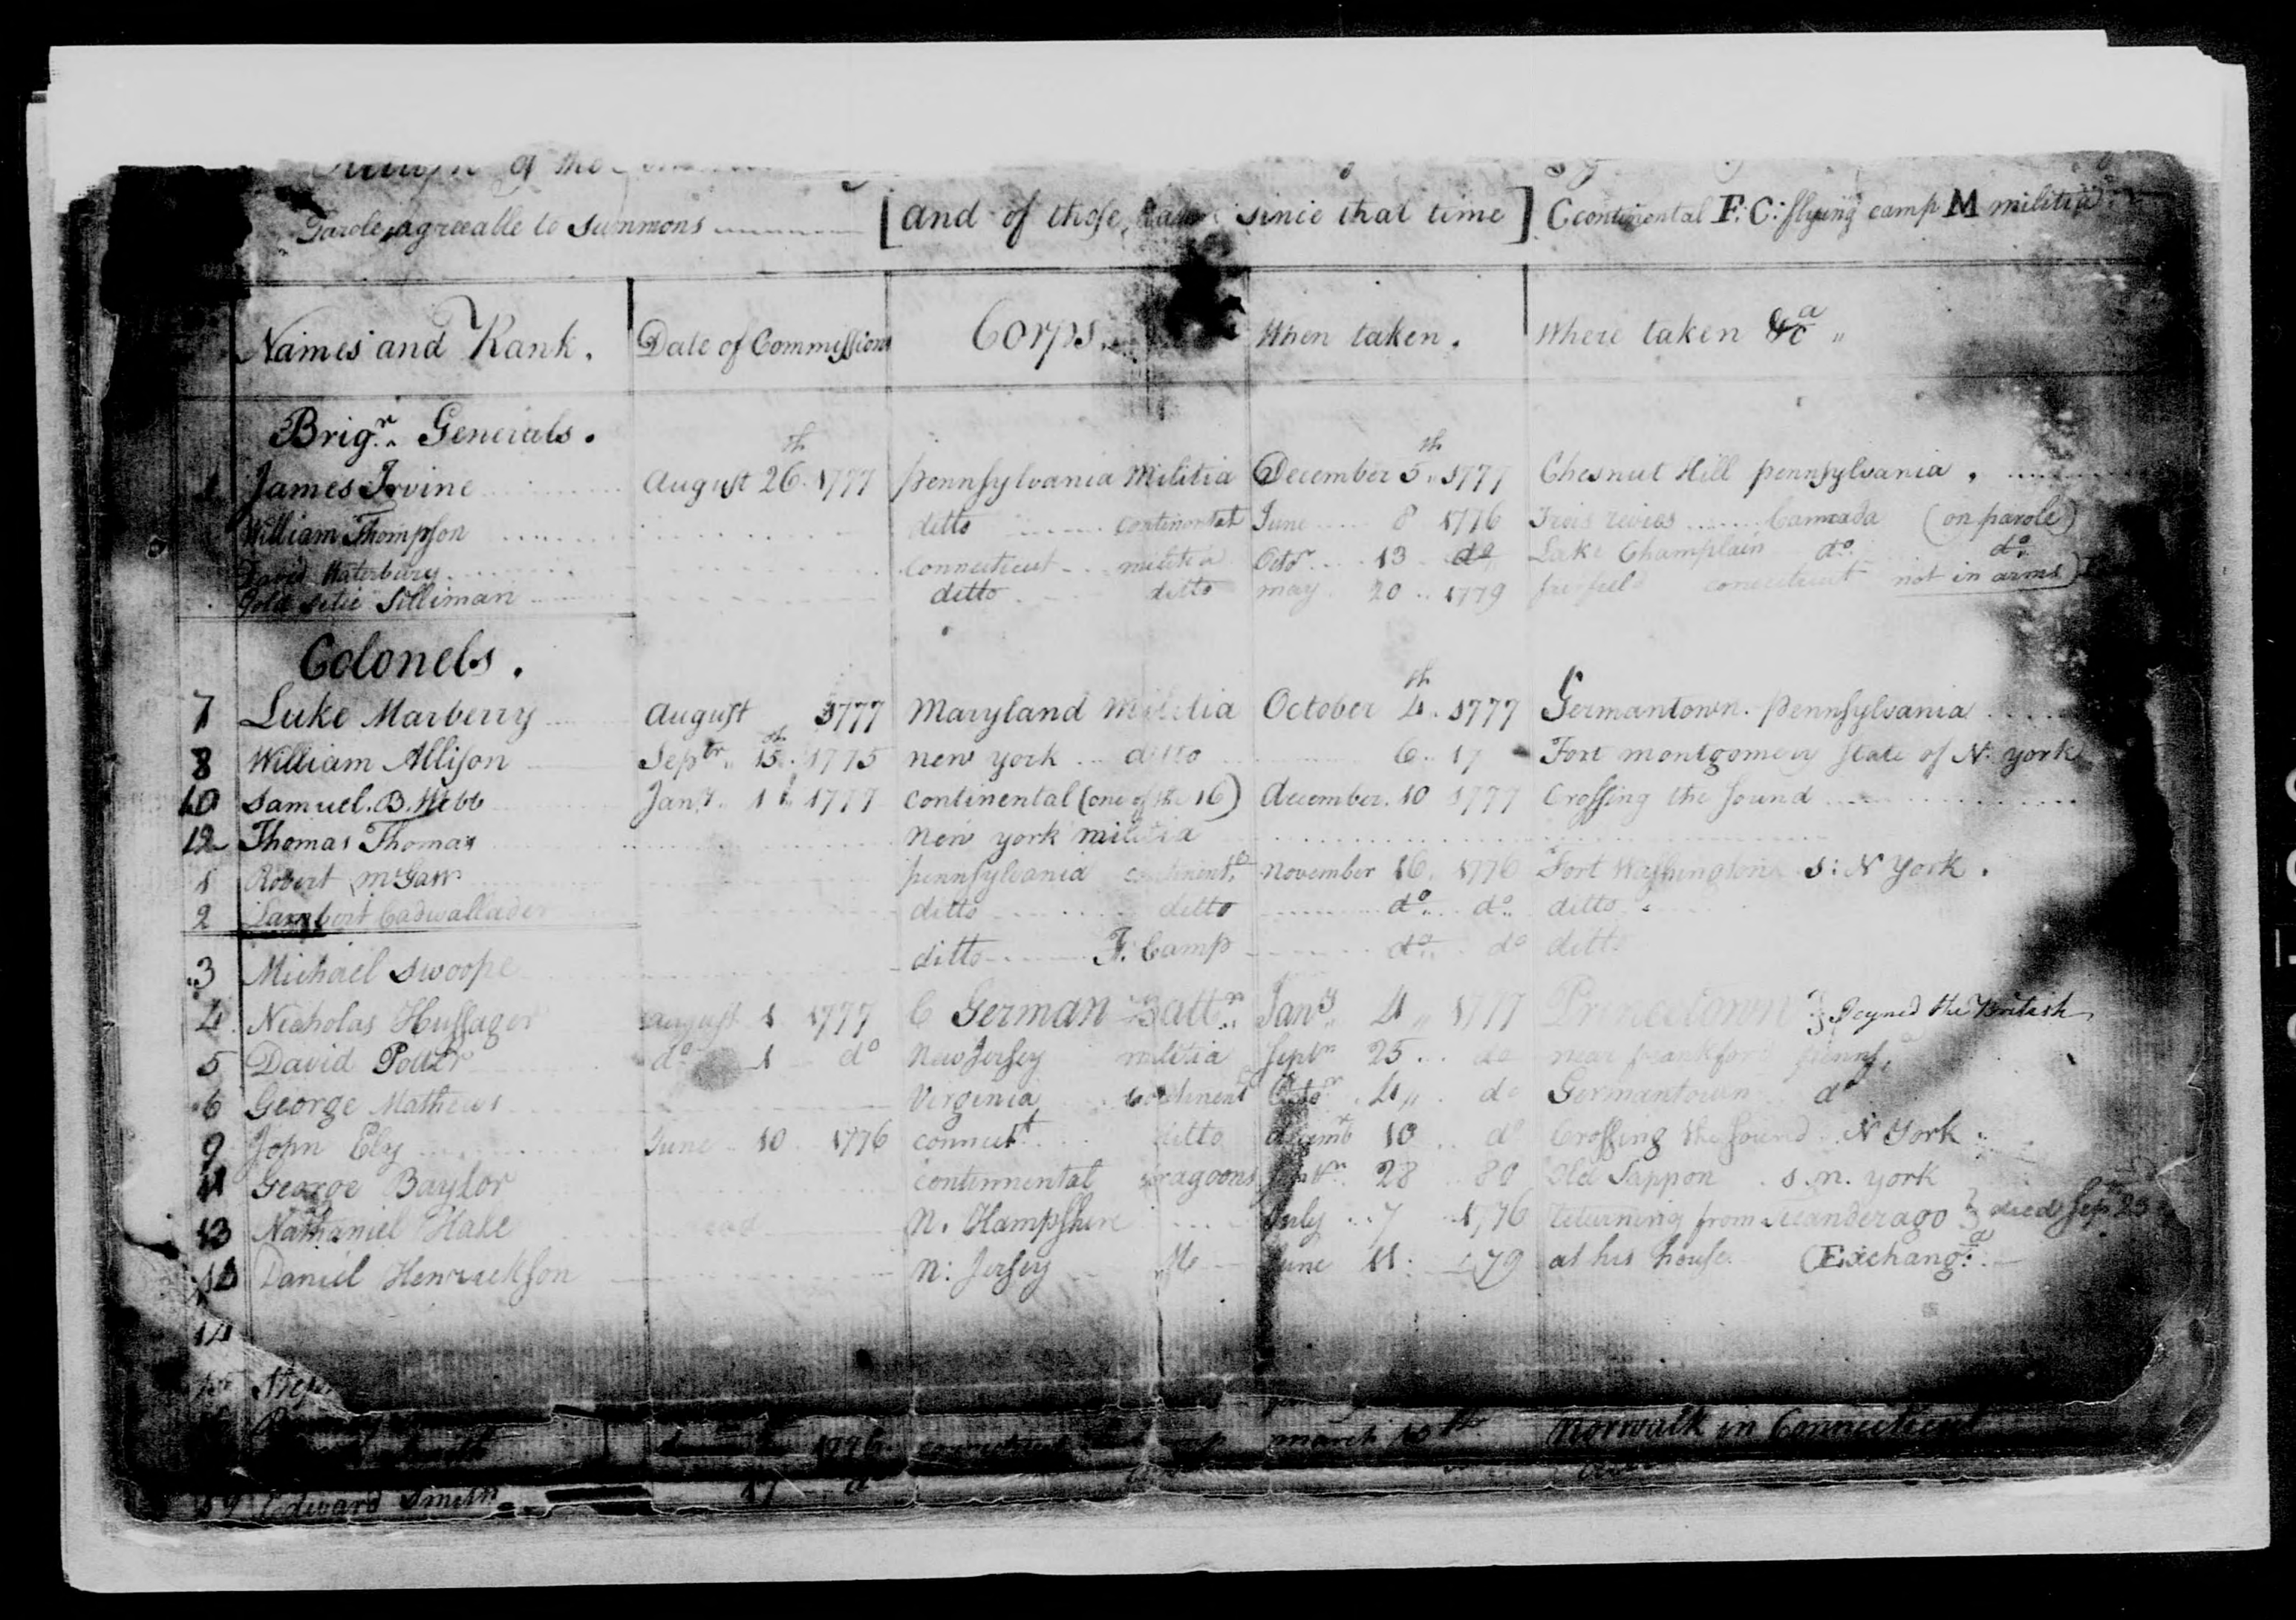[top and edges are cutoff and darkened]
Parole agreeable to summons....  {and of those  [illegible] since that time }  C. continental  F.C: flying camp M militia

[table headings] [assumed No.]  Names and Rank. Date of Commissions. Corps. When taken. Where taken &ac. 
Briga. Generals. 
[illegible] James Irvine.. / August 26th 1777 / Pennsylvania Militia / December 5th 1777 / Chesnut Hill Pennsylvania. ....
[illegible] / William Thompson / ..../ ditto....continental / June 8 1776 / Frois Twigs ...Canada. 
David Waterbury.. / ..... / Connecticut Militia / Octor 13 ditto? [1776] Lake Champlain do:
Gol??setic Silliman / .... / ditto ...ditto / May 20 1779 / Sreifield Coneciticut not in arms. 

Colonels. 
7 / Luke Marberry / August 1777 / Maryland Militia / October 4th 1777 / Germantown Pennsylvania ..
8 / William Allison / Sept 15th 1775 / New York ..ditto.. / ...6..17 / Fort Montgomery State of N. York..
10 / Samuel B. Webb / Jan 11 1777 / continental (one of the 16) / December 10 1777 / Crossing the sound...
12 / Thomas Thomas / ..... / New York militia / ..... / .....
8 / Robert McGaw/ ..... / Pennsylvania continental / November 16 1776 / Fort Washington S: N York. 
2 / Lambort Cadwallader / ...../ ditto.....ditto / .....do..do.. / ditto.
3 / Michael Swoope / ..... / ditto...F. Camp / ....do..do. / ditto. 
4 / Nicholas Hussager / August 1 1777 / C German Batta. / Jany 4 1777 / Princetown } Beyond the British. 
5 / David Potter / do.. 1 do / New Jersey militia / Sept 25..do. / near frankfort penns.
6 / George Mathews / ..... / Virginia Continent / Oct 4 .. do. / Germantown do. 
9 / John Ely / June 10 1776 / Connectt. .ditto.. / decemb 10 ..do. / crossing the sound. N York
11 / George Baylor / ..... / Continental Dragoons / Jany 28.. 80 / Old Sapponh S.N. York. 
13/ Nathaniel Hall / ..... / N Hampshire .... / July 7 1776 / returning from Trianderago } dies Sep 23
14 / Daniel Henrickson / ..... / N: Jersey...16... / June 11 1779 / at his house  Exchangd.
[a few illegible lines then a date & place] March 19th / Norwalk in Connecticut
19 / Edward Smith / [rest of this line is illegible]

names: Edward Smith, , David Potter, Silliman, Luke Marberry, David Waterbury, Nicholas Hussager, George Baylor, , James Irvine, George Mathews, Robert Mc Gaw, Daniel Hendrickson, Samuel B Webb, Nathaniel Hall, John Ely, William Allison, Lambert Cadwallader, Michael Swoope, Thomas Thomas, Stephen, William Thompson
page: 18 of 57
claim: survivor's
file: S. 2161, Hezekiah Davies, Penn